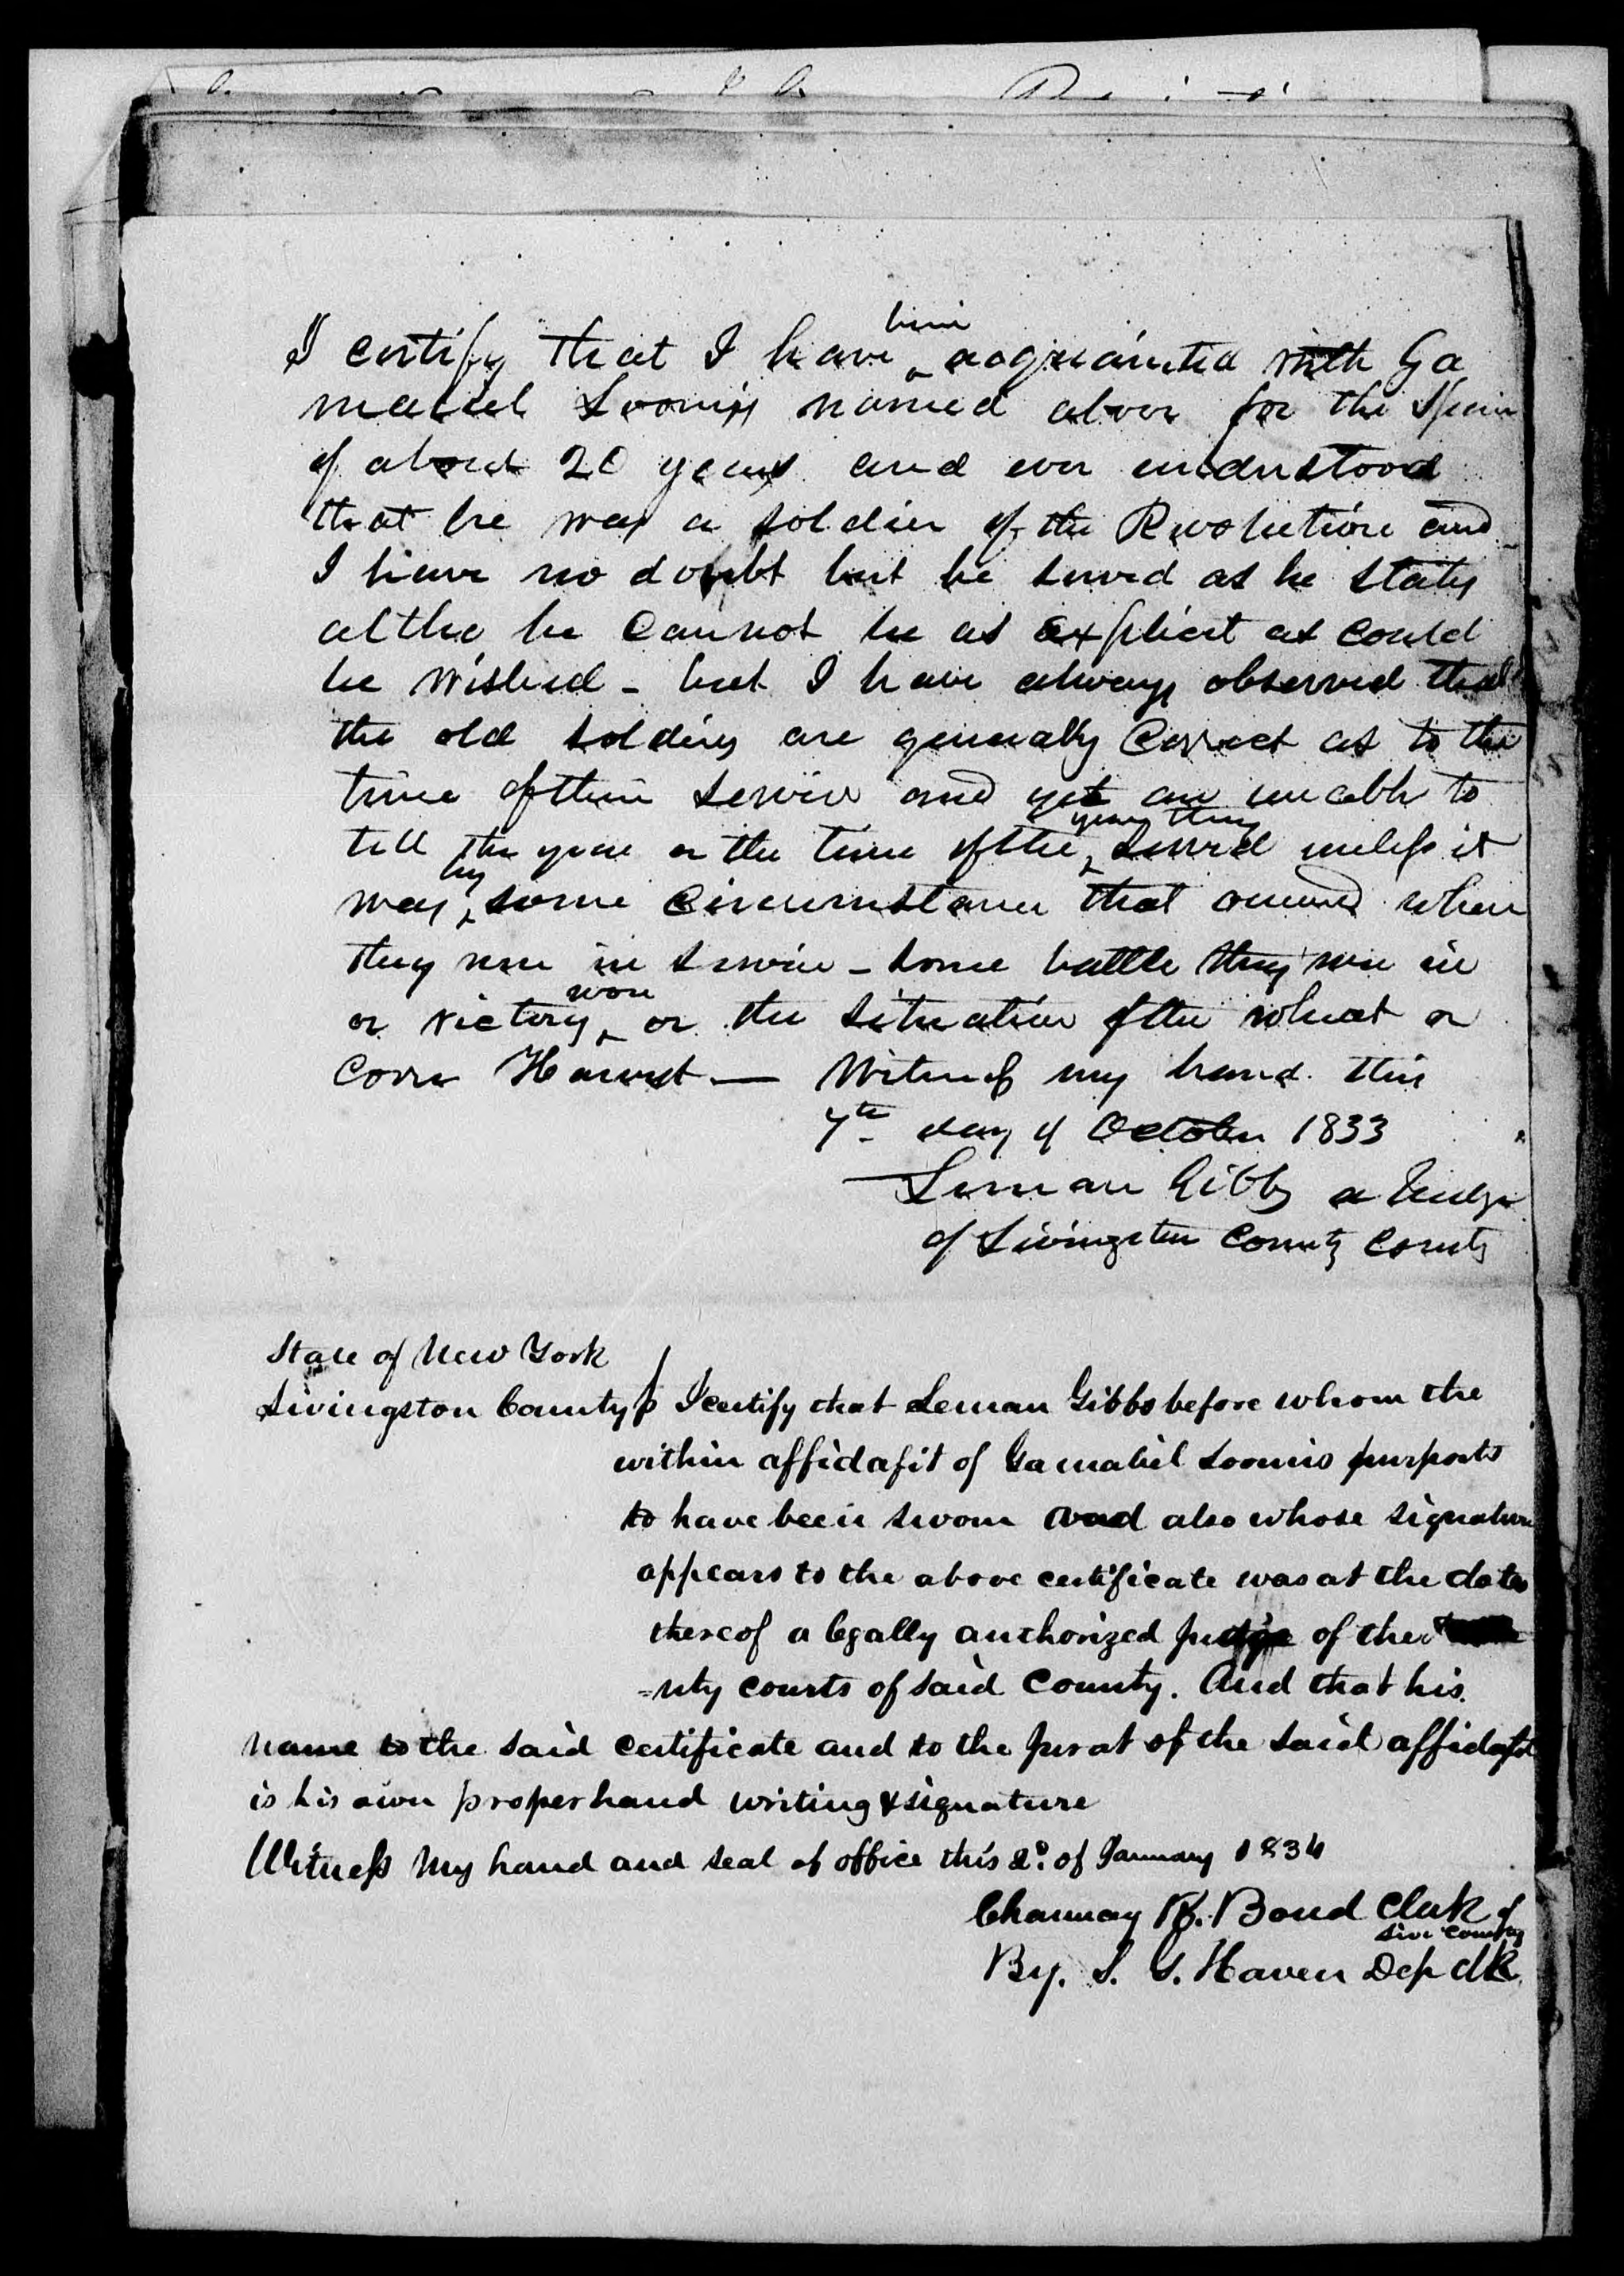I certify that I have ^ been acquainted with Gamaliel Loomis named above for the span of about 20 years and even understood that he was a soldier of the Revolution and I have no doubt that he served as he states altho he cannot be as explicit as could he wished - but I have always observed that the old soldiers are generally correct as to the time of their service and yet are unable to tell the year or the time of the ^ year they served unless it was ^ by some circumstance that around when they were in service - some battle they was in or victory ^ won or the situation of [illegible] on.
Conn. Harvest -
Witness of my hand this 4th day of October 1833
Leman Gibbs a Judge of Livingston County Courts

State of New York
Livingston County SS
I certify that Leman Gibbs before whom the within affidavit of Gamaliel Loomis purports to have been sworn and also whose signature appears to the above certificate was at the date thence a legally authroized Judge of the County Courts of said County. And that his name to the said certificate and to the part of the said affidavit is his own proper hand writing & signature
Witness my hand an seal of office this 2nd of January 1836
Chanucey R Bond Clerk of Liv. County
By S. G. Haven Dep Clk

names: Leman Gibbs; Chauncey R Bond; S G Haven; Gamaliel Loomis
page: 12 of 21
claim: rejected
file: R. 6444, for Gamaliel Loomis, Connecticut